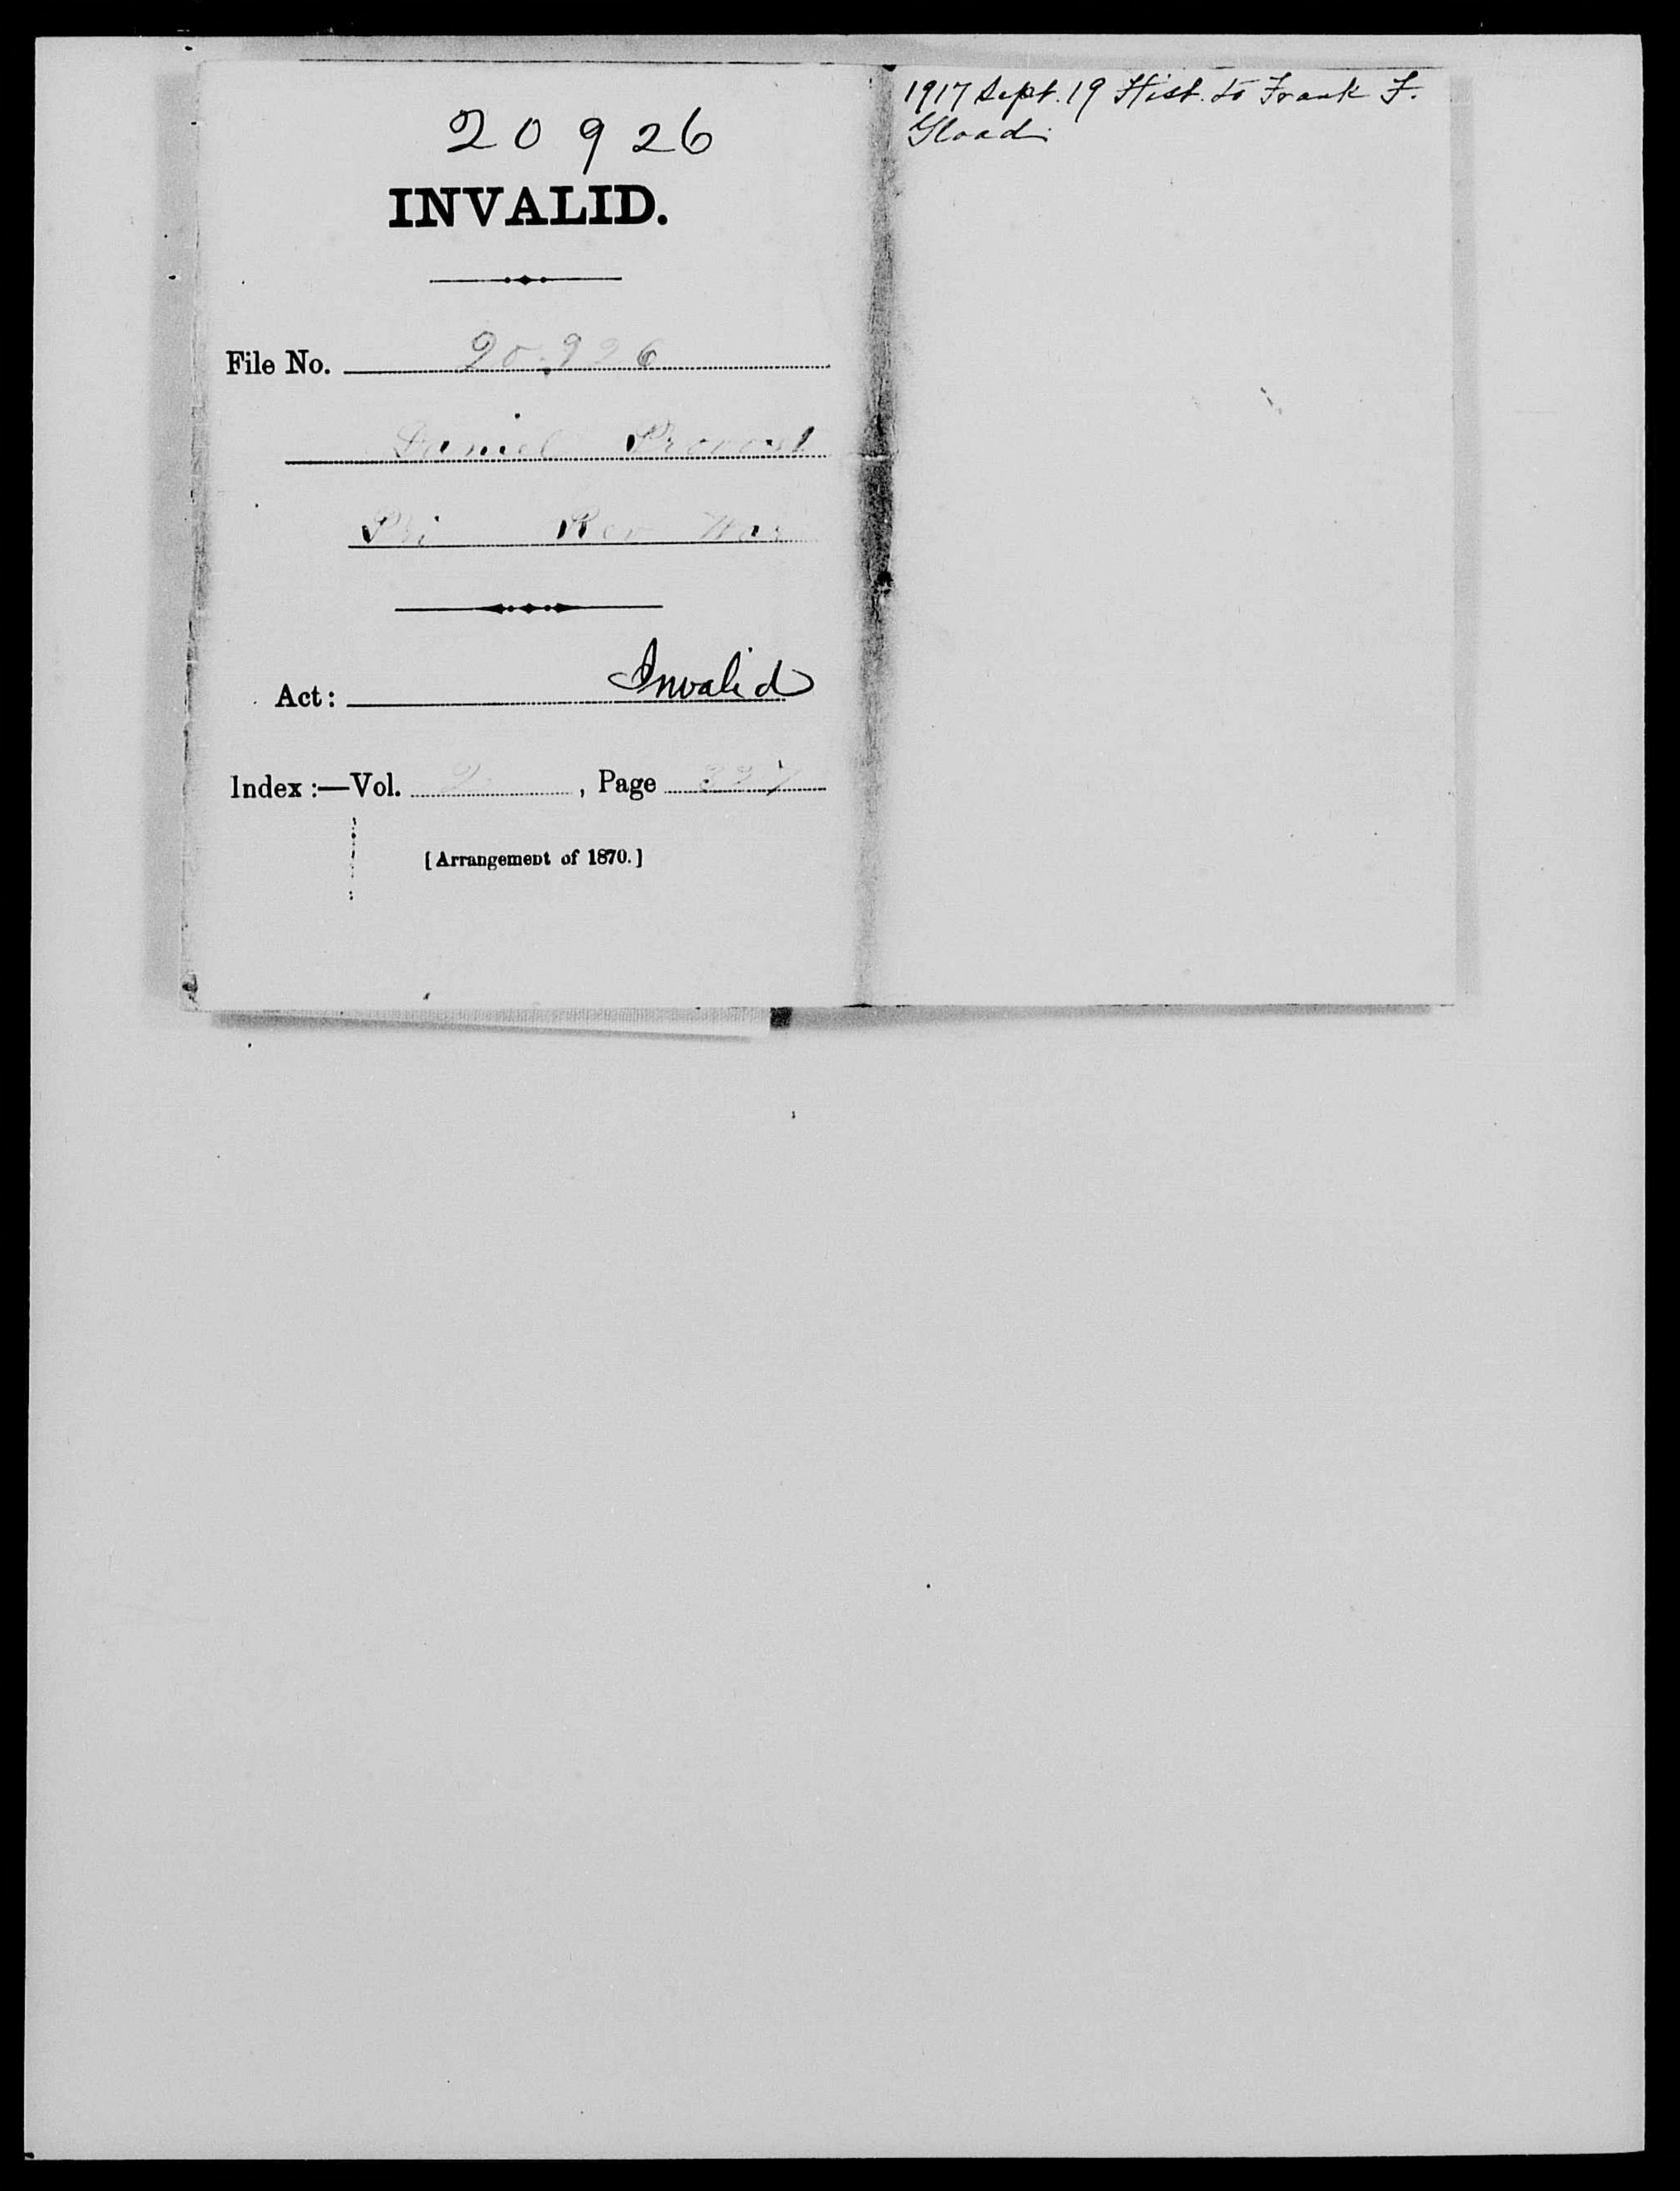20926
INVALID.
File No. 20.926
Daniel Provost
Pri Rev War
Act: Invalid
Index: -- Vol.  2, Page 337
[Arrangement of 1870.]
1917 Sept. 19 Hist. to Frank F.
Gload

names: Daniel Provost; Frank F Gload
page: 8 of 24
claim: survivor's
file: S. 20,926, for Daniel Provost, Connecticut